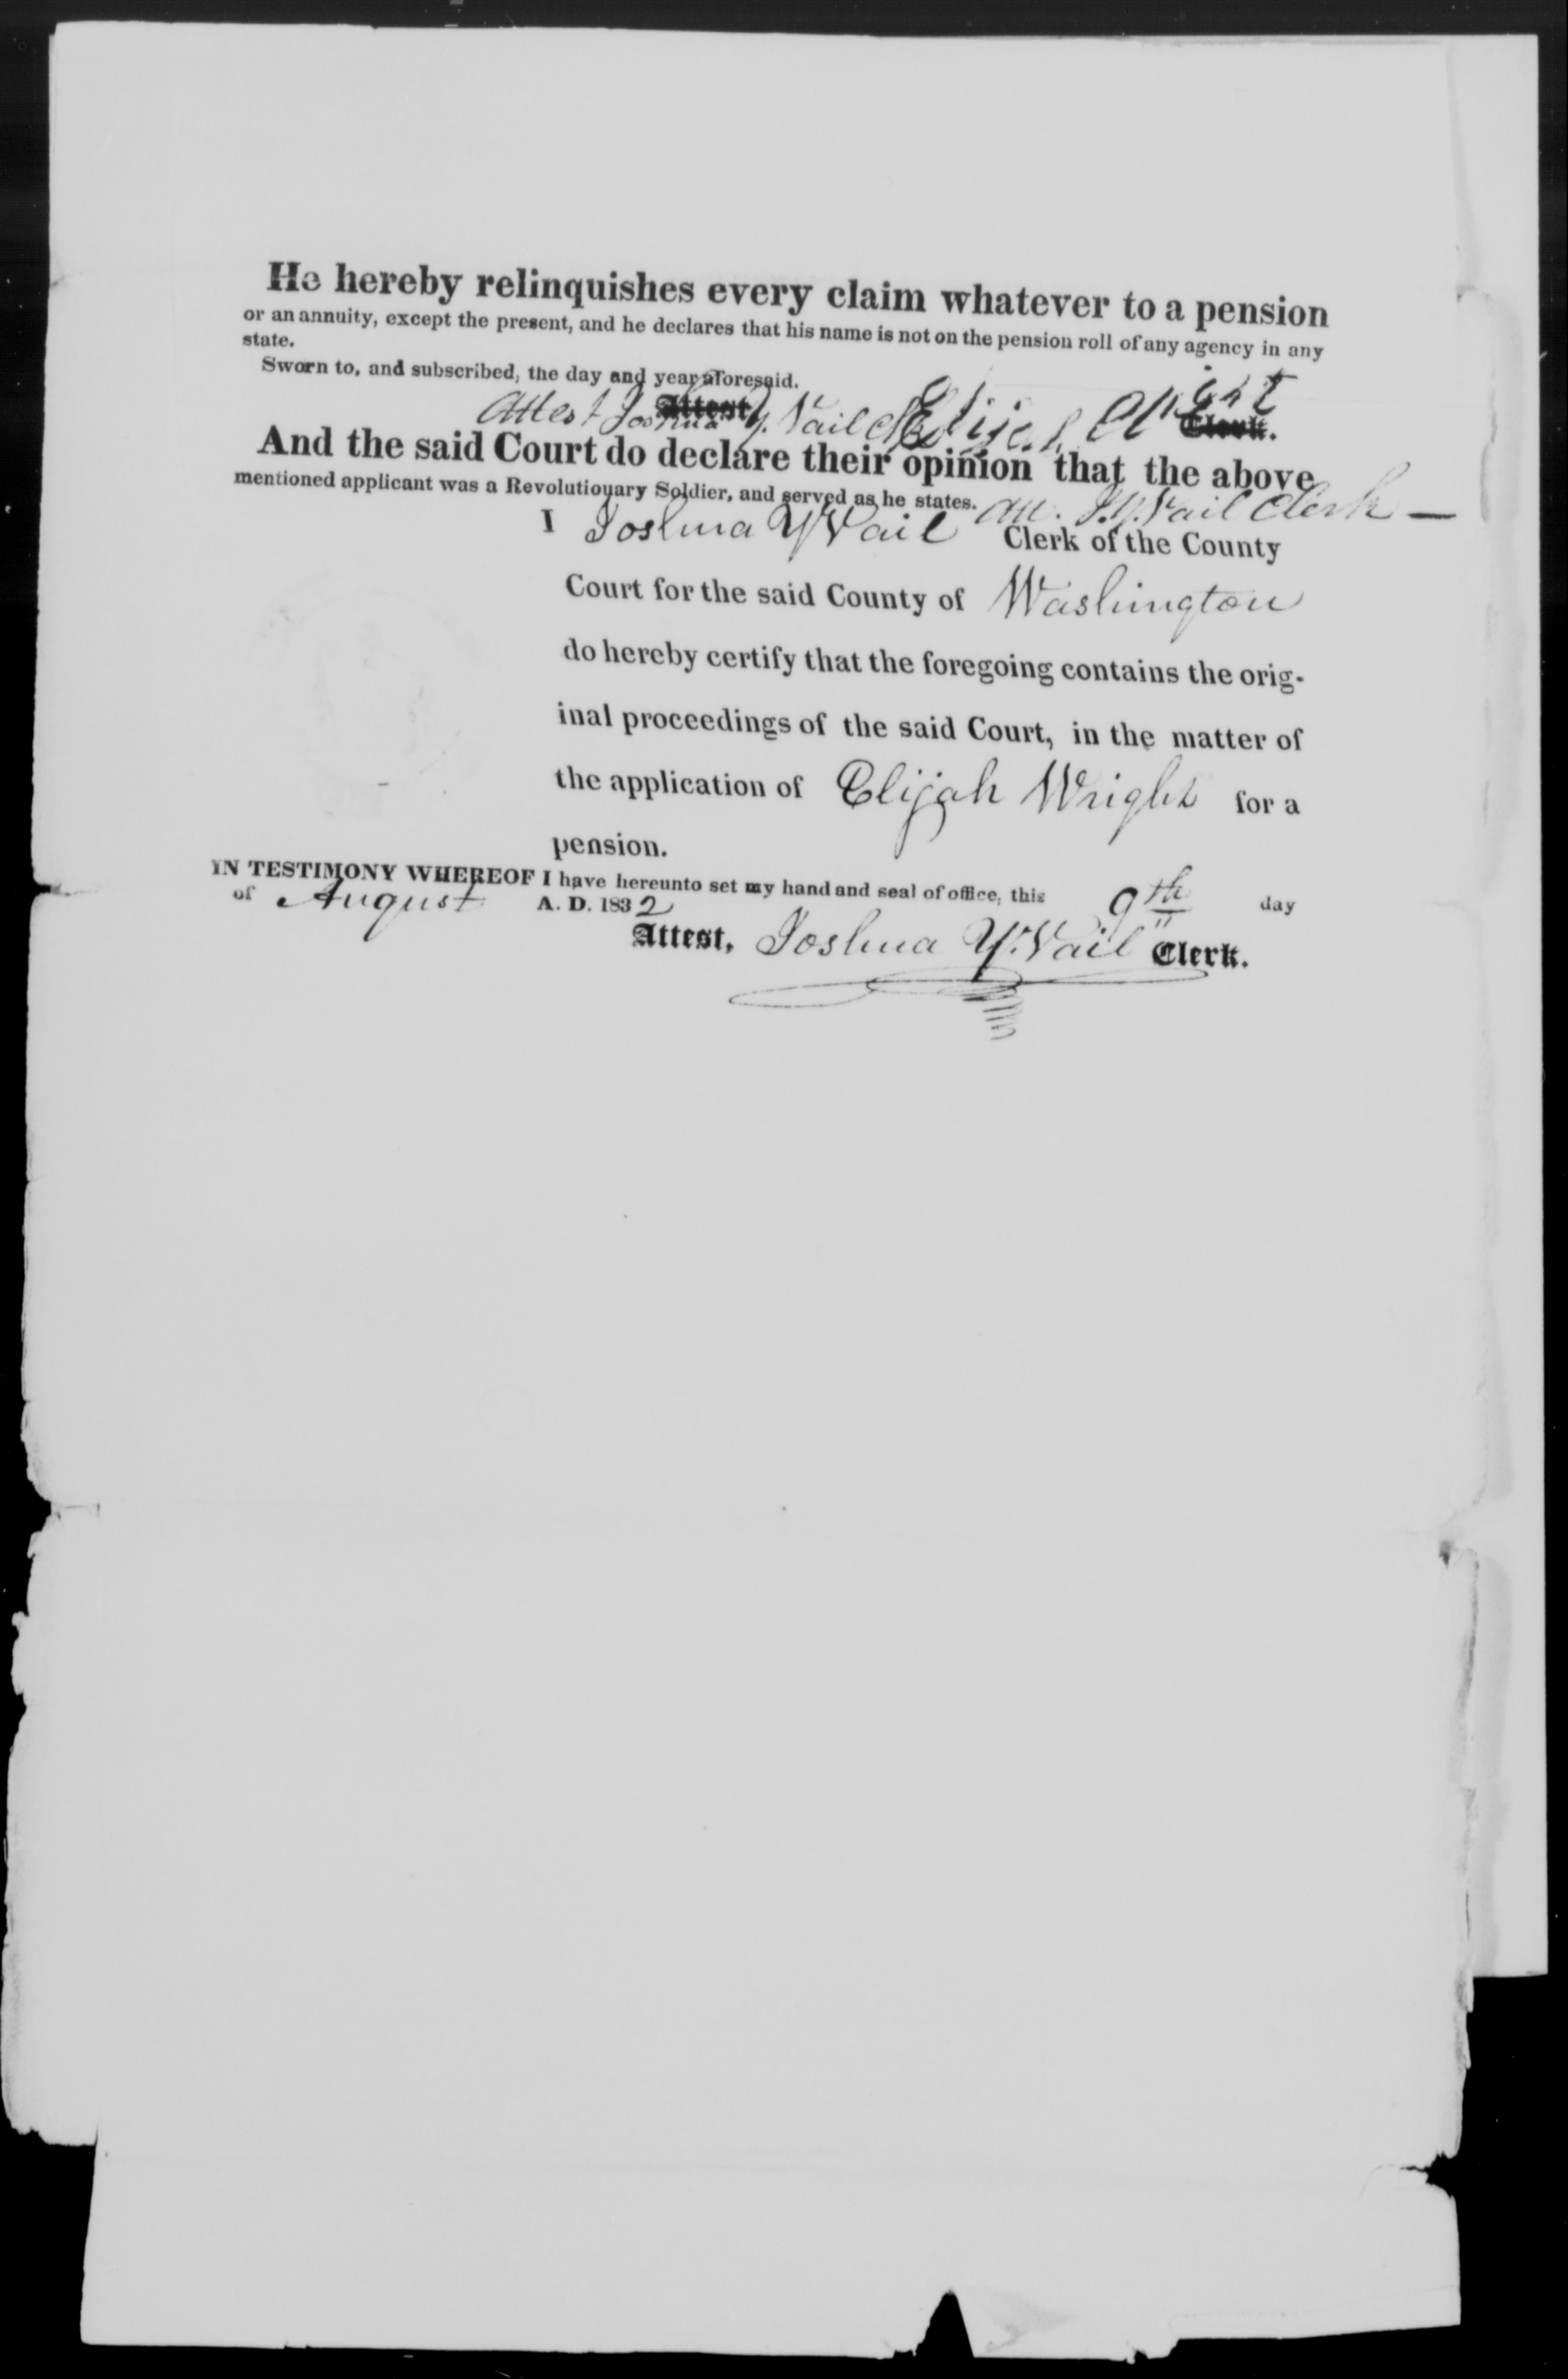He hereby relinquishes every claim whatever to   a pension or an annuity, except the present, and he declares that his name is not on the pension roll of any agency in any state.
Sworn to and subscribed the day and year aforesaid

Attest Joshua Y Vail  Elijah Wright

And the said Court do declare their opinion that the above
mentioned applicant was a Revolutionary Soldier, and served as he states. J Y Vail  Clerk
I Joshua Mall Clerk of the County
Court for the said County of Washington
do hereby certify that the foregoing contains the original
proceedings of the said Court, in the matter of
the application of Elijah Wright for a
pension.
IN TESTIMONY WHEREOF I have hereunto set my hand and seal of office, this 9th day of August A.D. 1832
 
Attest Joshua J. Vail Clerk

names: Joshua Y Vail, Elijah Wright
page: 6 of 26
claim: widow's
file: W. 26,137, Elijah Wright, N.H.